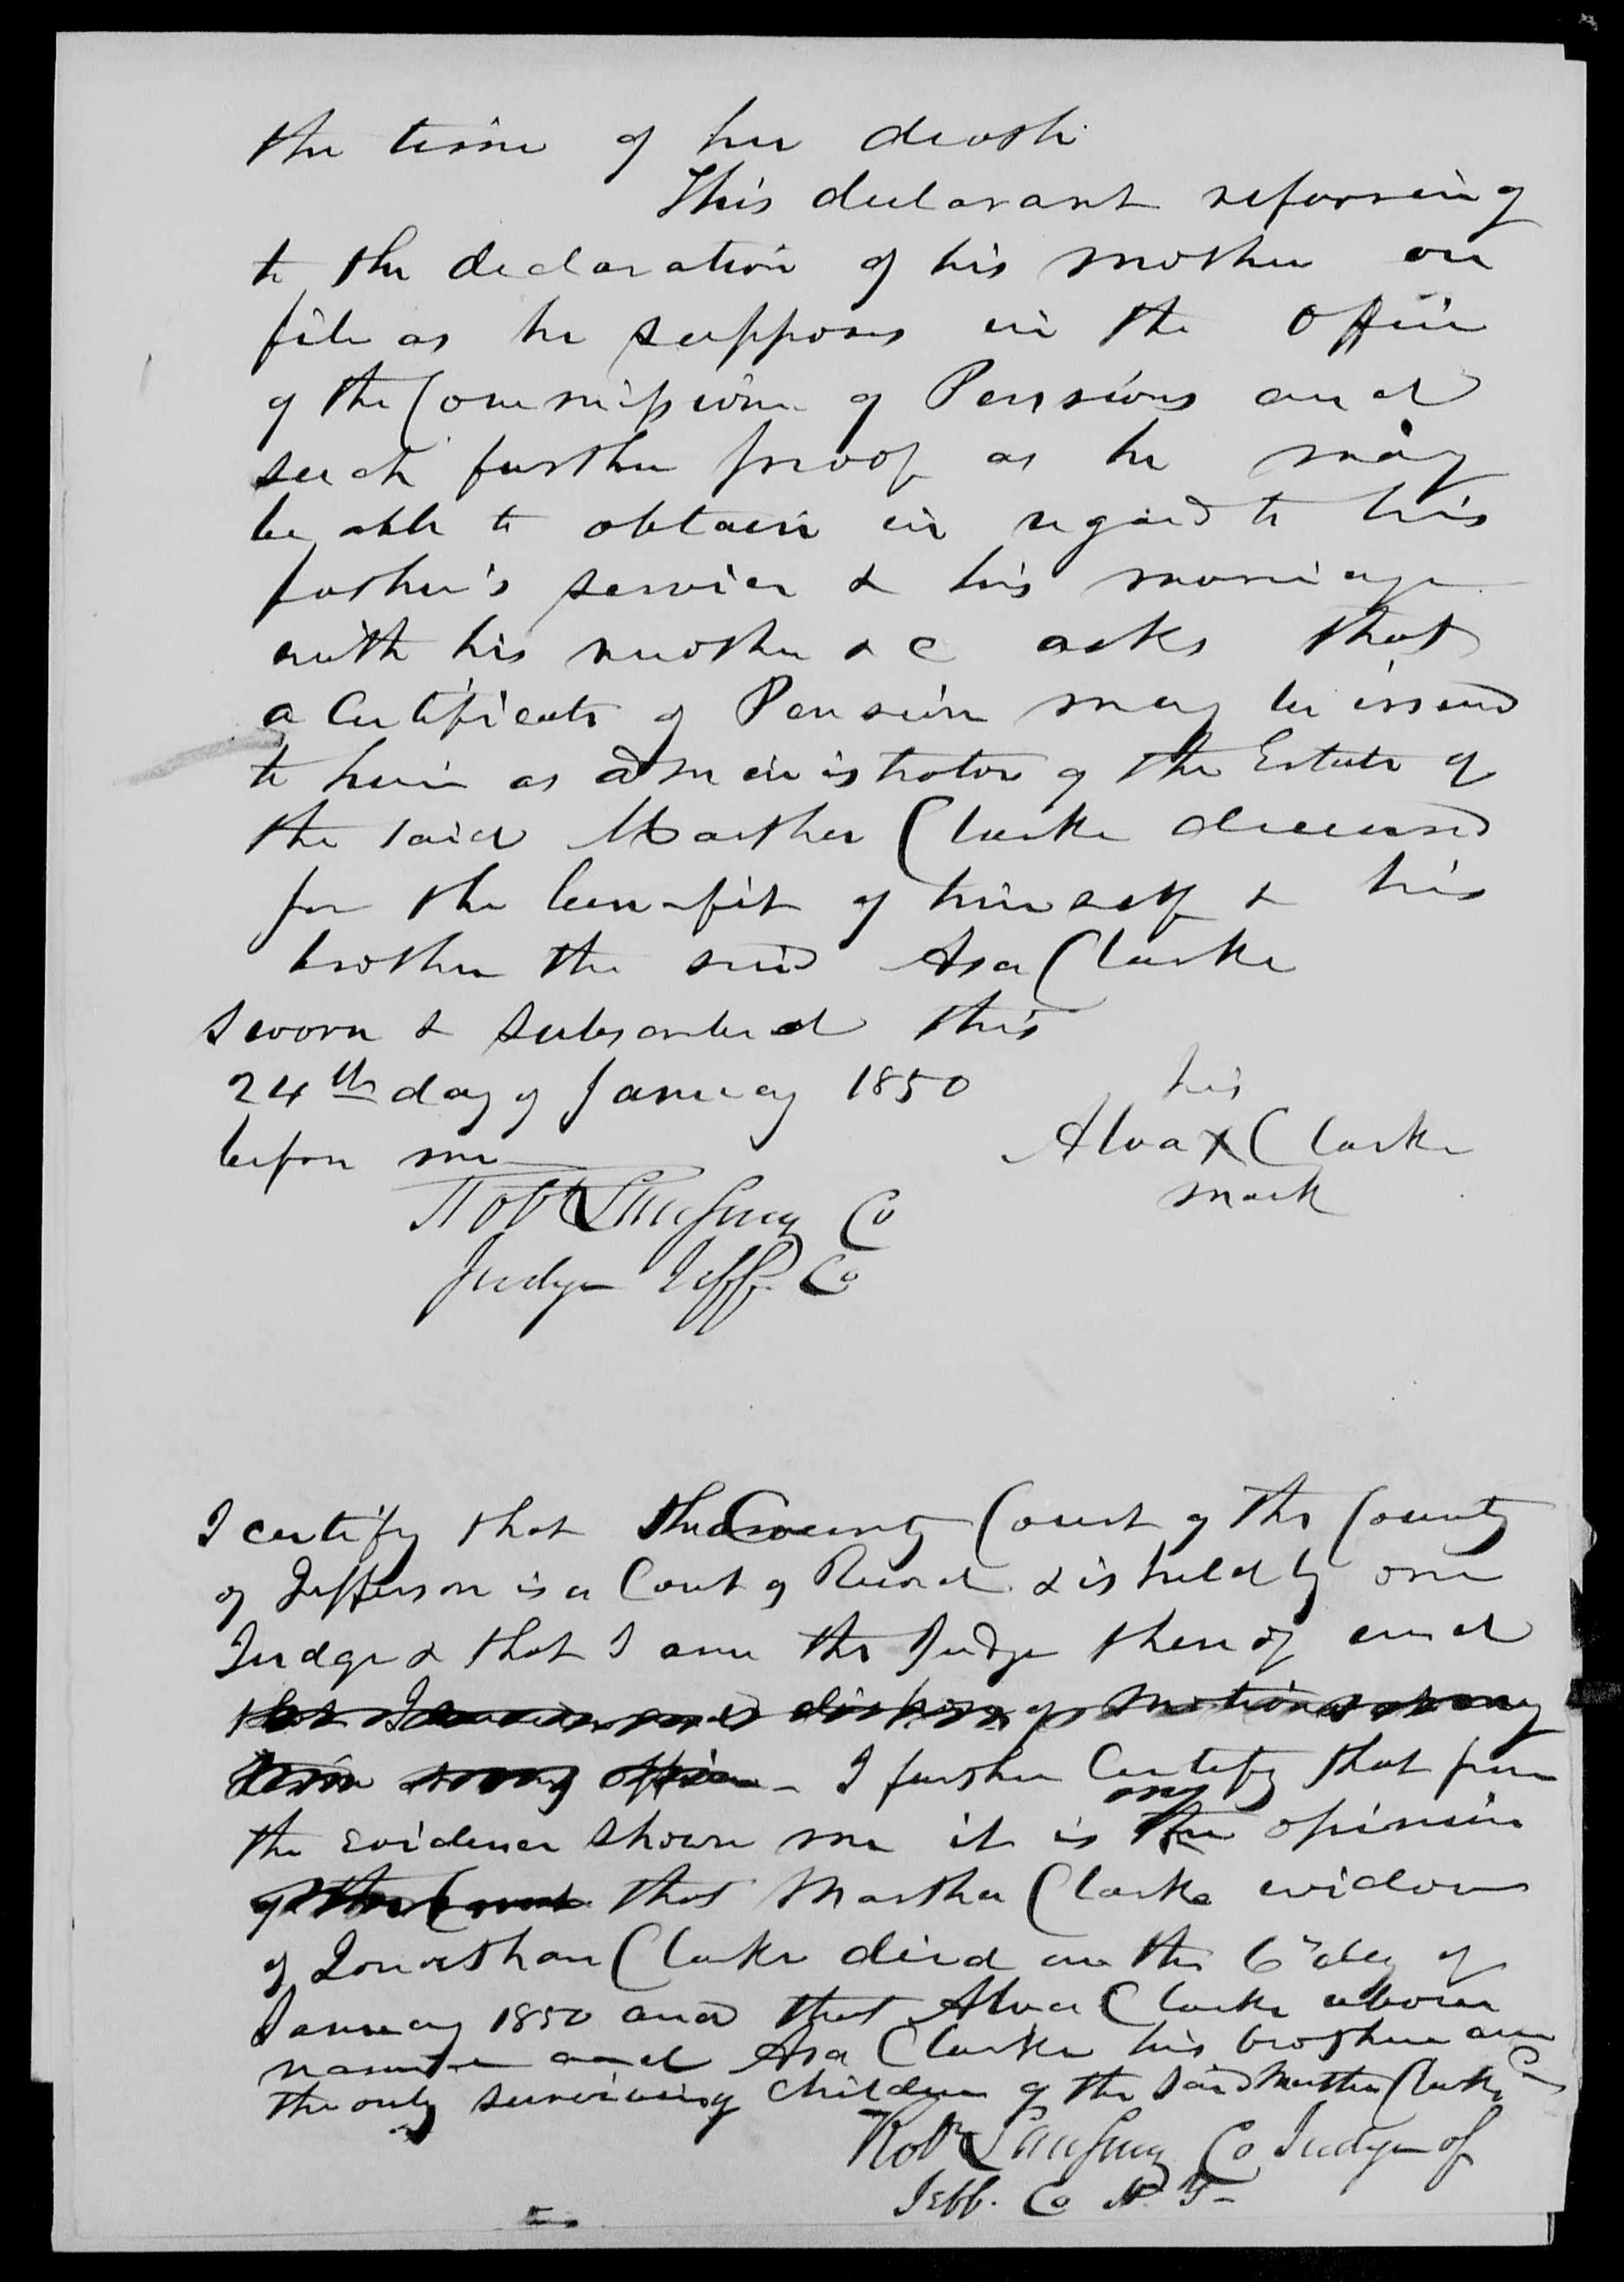the time of her death.
This declarant referring to the declaration of his mother on file as he supposes in the office of the Commissioner of Pensions and such further proof as he may be able to obtain in regard to his father's service & his marriage with his mother & he asks that a Certificate of Pension may be issued to him as administrator of the Estate of the said Martha Clarke deceased for the benefit of himself & his brother the said Asa Clarke
Alva (his mark) Clarke
Sworn & Subscribed this
24th day of January 1850
before me
Robt Lansing Co
Judge Jeff Co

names: Alva Clarke, Martha Clarke, Asa Clarke, Alva Clarke, Jonathan Clarke, Asa Clarke, Martha Clarke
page: 25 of 26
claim: rejected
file: R. 2001, Jonathan Clark, Conn.